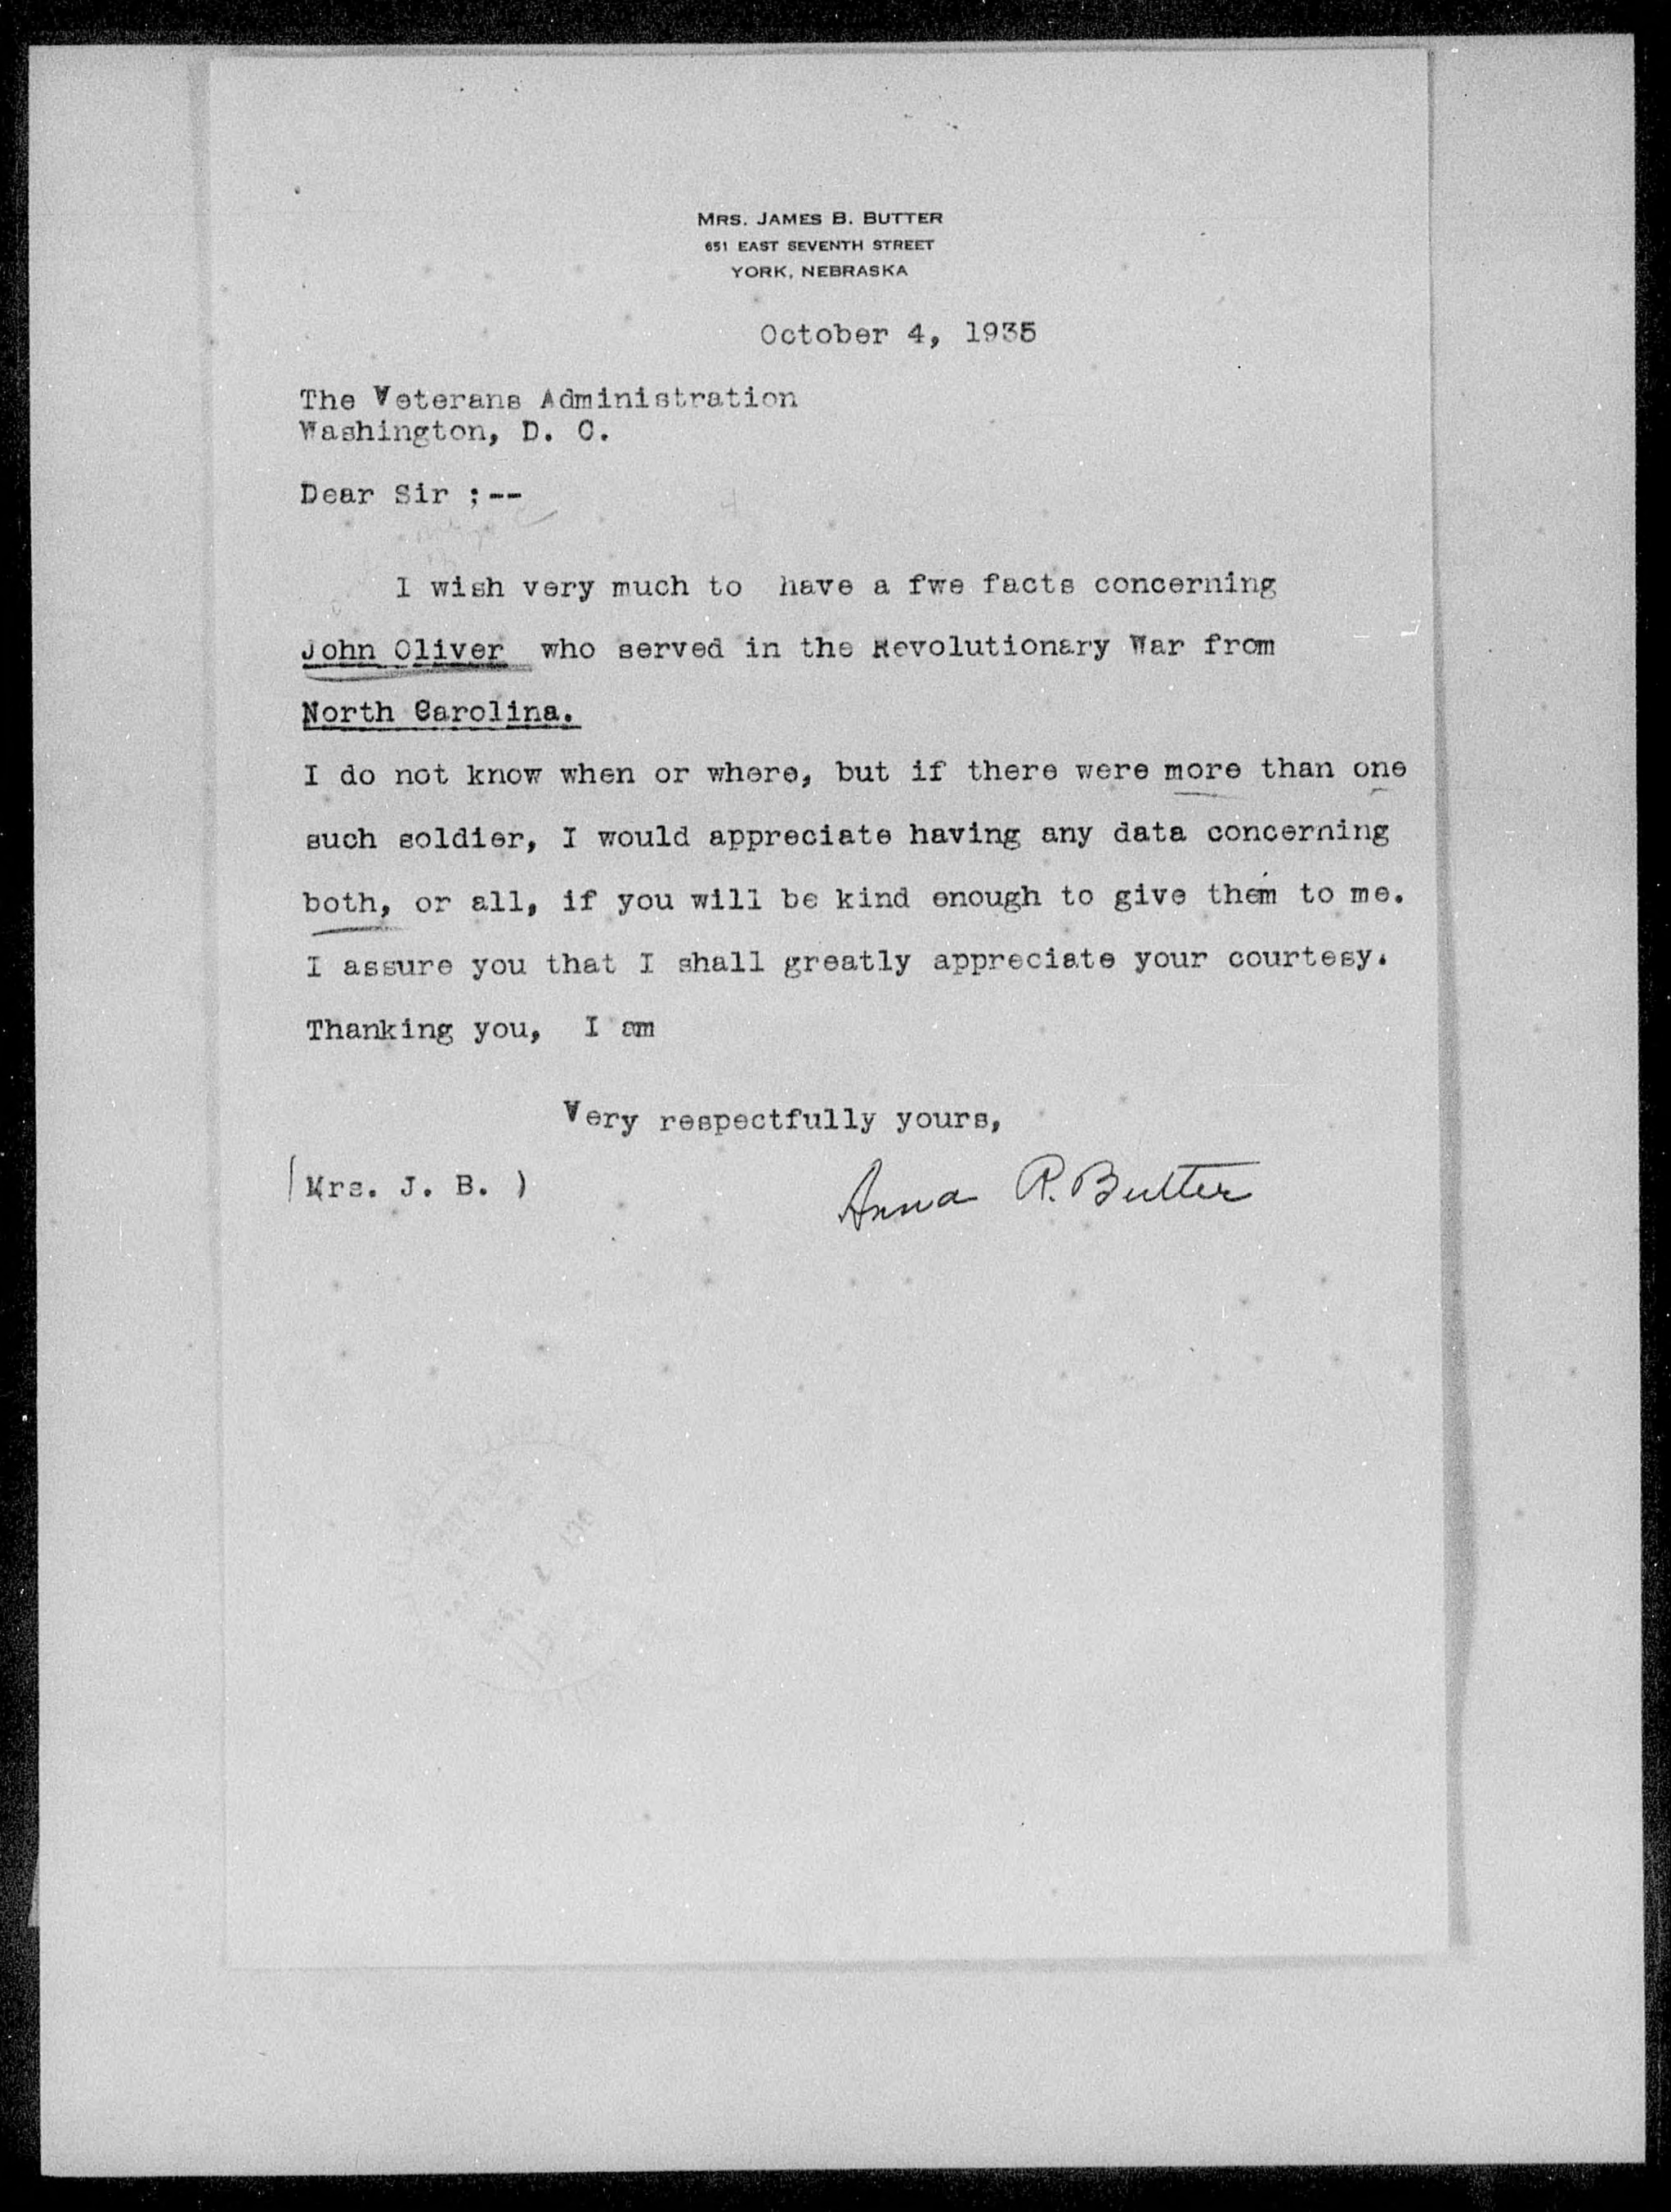MRS. JAMES B. BUTTER
651 EAST SEVENTH STREET
YORK, NEBRASKA

                   October 4, 1935

The Veterans Administration
Washington, D.C.

Dear Sir;--
    I wish very much to have a fwe (sic) facts concerning John Oliver who served in the Revolutionary War from North Carolina.
I do not know when or where, but if there were more than one such, soldier, I would appreciate having any data concerning both, or all, if you will be kind enough to give them to me.  I assure you that I shall greatly appreciate your courtesy.  Thanking you, I am

                   Very respectfully yours,
                   (Mrs. J.B.)  Anna R. Butter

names: John Oliver; James B Butter; Anna R Butter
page: 25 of 32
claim: survivor's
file: S. 31888, for John Oliver, North Carolina